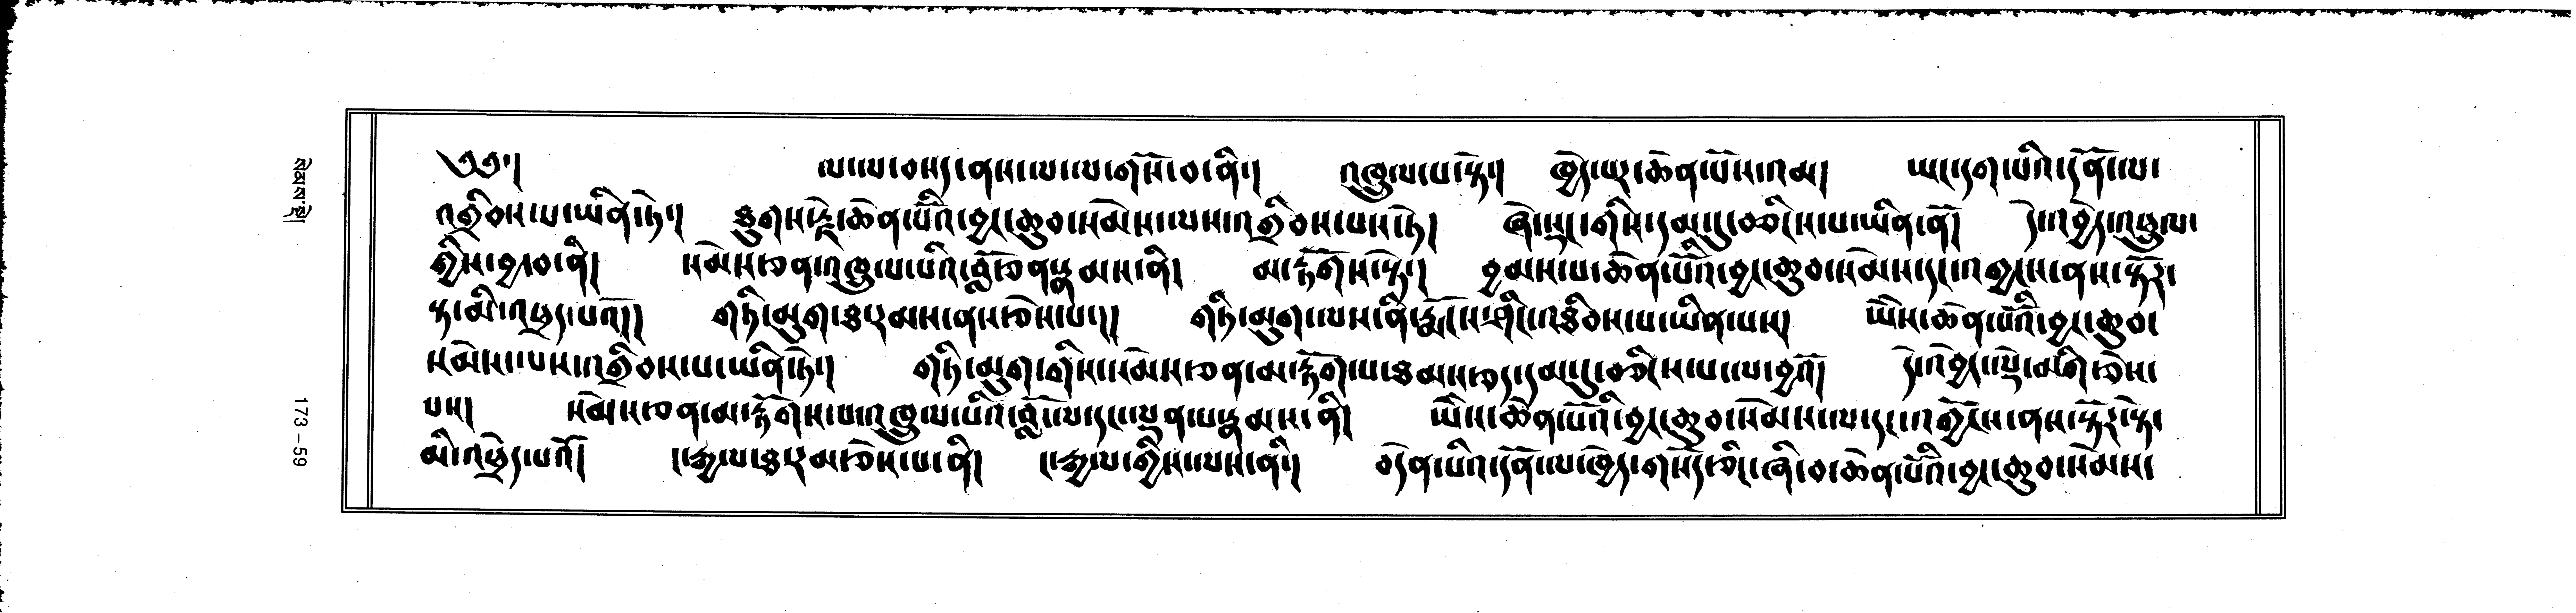ལ་ལ་བསད་ནས་ལ་ལ་གསོ་བ་ནི། འཁྲུལ་པ་སྟེ། ཁྱད་པར་ཆེན་པོའམ། ཡང་དག་པའི་དོན་ལ་
འགྲིབ་པ་ཡིན་ཏེ། ཐུགས་རྗེ་ཆེན་པོ་བྱང་ཆུབ་སེམས་ལ་འགྲིབ་པས་ཏེ། ཞེ་སྡང་གིས་དམ་དུ་བཅིངས་པ་ཡིན་ནོ། །དེ་འབྱེད་འཕྲུལ་
གྱིས་བྱ་བ་ནི། སེམས་ཅན་འཁྲུལ་པའི་བློ་ཅན་རྣམས་ནི། མ་རྟོགས་ཏེ། བྱམས་པ་ཆེན་པོའི་དོན་དང་འགྱངས་ནས་སྟོར་
ཏེ་མི་འཕྲད་པའོ། །གཏི་མུག་ཐ་རམས་ནས་ཅེས་པ། གཏི་མུག་ལས་ནི་རྨོངས་ཤིང་འཐིབས་པ་ཡིན་པས། ཡེ་ཤེས་ཆེན་པོའི་བྱང་ཆུབ་
སེམས་ལས་འགྲིབས་པ་ཡིན་ཏེ། གཏི་མུག་གིས་སེམས་ཅན་མ་རྟོགས་པ་ཐམས་ཅད་དམ་དུ་བཅིངས་པ་ལ་བྱའོ། །དེ་འབྱེད་ལྡེ་མིག་ཅེས་པས། 
སེམས་ཅན་མ་རྟོགས་པ་འཁྲུལ་པའི་བློ་དང་ལྡན་པ་རྣམས་ནི། ཡེ་ཤེས་ཆེན་པོའི་བྱང་ཆུབ་སེམས་དང་འགྱངས་ནས་སྟོར་ཏེ་
མི་འཕྲད་པའོ། །ང་རྒྱལ་ཐ་རམ་ཅེས་པ་ནི། ང་རྒྱལ་གྱིས་ལས་ནི། བདེན་པའི་དོན་ལ་ཁྱད་གསོད་ཅིང་། ཞི་བ་ཆེན་པོའི་བྱང་ཆུབ་སེམས་